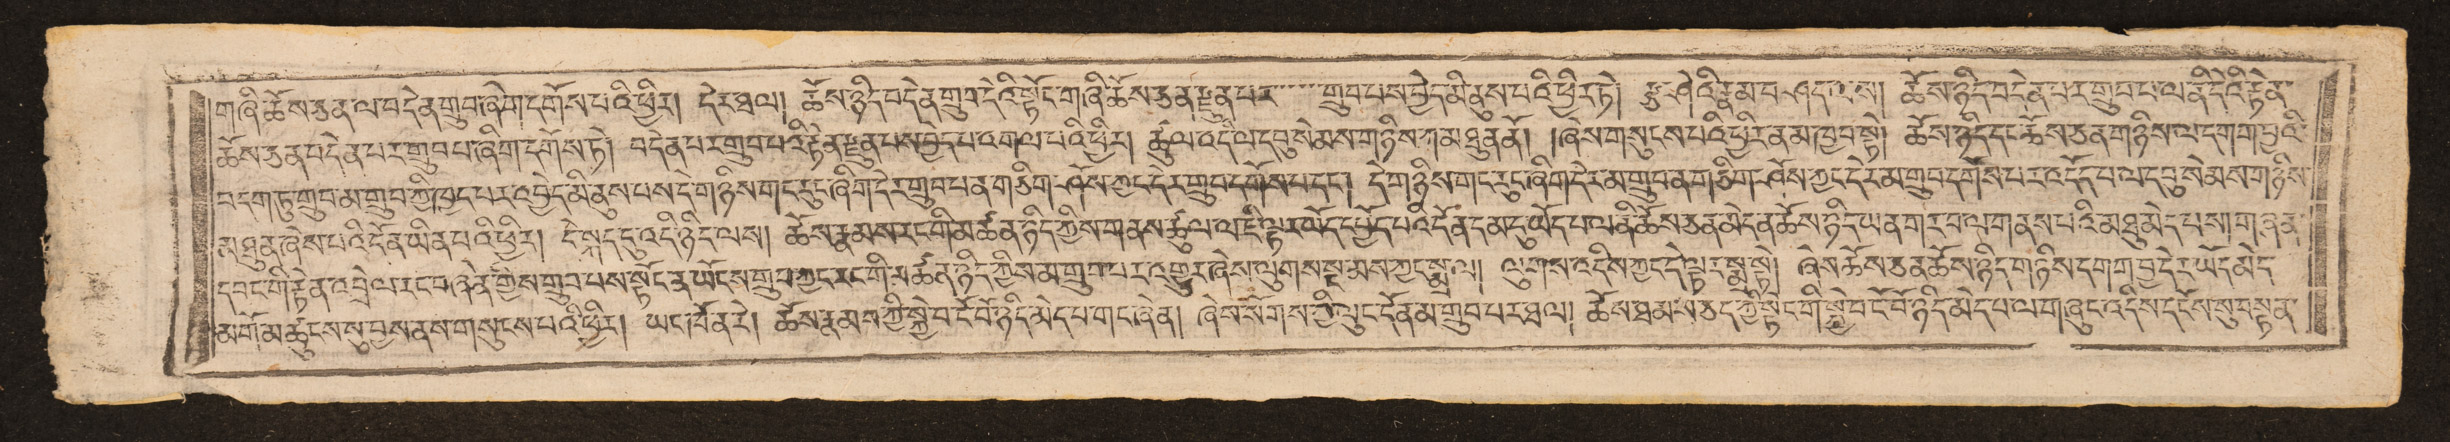གཞི་ཆོས་ཅན་ལ་བདེན་གྲུབ་ཞིག་དགོས་པའི་ཕྱིར། དེར་ཐལ། ཆོས་ཉིད་བདེན་གྲུབ་དེའི་སྟོང་གཞི་ཆོས་ཅན་རྫུན་པར་གྲུབ་པས་བྱེད་མི་ནུས་པའི་ཕྱིར་ཏེ། རྩ་ཤེའི་རྣམ་བཤད་ལས། ཆོས་ཉིད་བདེན་པར་གྲུབ་པ་ལ་ནི་དེའི་རྟེན་
ཆོས་ཅན་བདེན་བར་གྲུབ་བ་ཞིག་དགོས་ཏེ། བདེན་བར་གྲུབ་པའི་རྟེན་རྫུན་པས་བྱེད་པ་འགལ་བའི་ཕྱིར། ཚུལ་འདི་ལ་དབུ་སེམས་གཉིས་ཀ་མཐུན་ནོ། །ཞེས་གསུངས་པའི་ཕྱིར་ན་མ་ཁྱབ་སྟེ། ཆོས་ཉིད་དང་ཆོས་ཅན་གཉིས་ལ་དགག་བྱའི་
བདག་ཏུ་གྲུབ་མ་གྲུབ་ཀྱི་ཁྱད་པར་འབྱེད་མི་ནུས་པས་དེ་གཉིས་གང་རུང་ཞིག་དེར་གྲུབ་པ་ན་གཅིག་ཤོས་ཀྱང་དེར་གྲུབ་དགོས་པ་དང་། དེ་གཉིས་གང་རུང་ཞིག་དེར་མ་གྲུབ་ན་གཅིག་ཤོས་ཀྱང་དེར་མ་གྲུབ་དགོས་པར་འདོད་པ་ལ་དབུ་སེམས་གཉིས་
མཐུན་ཞེས་པའི་དོན་ཡིན་པའི་ཕྱིར། དེ་སྐད་དུ་འདི་ཉིད་ལས། ཆོས་རྣམས་རང་གི་མཚན་ཉིད་ཀྱིས་གནས་ཚུལ་ལ་ཇི་ལྟར་ཡོད་དཔྱོད་པའི་དོན་དམ་དུ་ཡོད་པ་ལ་ནི་ཆོས་ཅན་མེད་ན་ཆོས་ཉིད་ཡན་གར་བ་ལ་གནས་པའི་མཐུ་མེད་པས། གཞན་
དབང་གི་རྟེན་འབྲལ་རང་བཞིན་གྱིས་གྲུབ་པས་སྟོང་ན་ཡོངས་གྲུབ་ཀྱང་རང་གི་མཚན་ཉིད་ཀྱིས་མ་གྲུབ་པར་འགྱུར་ཞེས་ལུགས་སྔམས་ཀྱང་སྨྲ་ལ། ལུགས་འདིས་ཀྱང་དེ་ལྟར་སྨྲ་སྟེ། ཞེས་ཆོས་ཅན་ཆོས་ཉིད་གཉིས་དགག་བྱ་དེར་ཡོད་མེད་
མགོ་མཚུངས་སུ་བྱས་ནས་གསུངས་པའི་ཕྱིར། ཡང་ཁོ་ན་རེ། ཆོས་རྣམས་ཀྱི་སྐྱེ་བ་ངོ་བོ་ཉིད་མེད་པ་གང་ཞེ་ན། ཞེས་སོགས་ཀྱི་ལུང་དོན་མ་གྲུབ་པར་ཐལ། ཆོས་ཐམས་ཅད་ཀྱི་སྟེང་གི་སྐྱེ་བ་ངོ་བོ་ཉིད་མེད་པ་ལ་གཞུང་འདིས་དངོས་སུ་བསྟན་